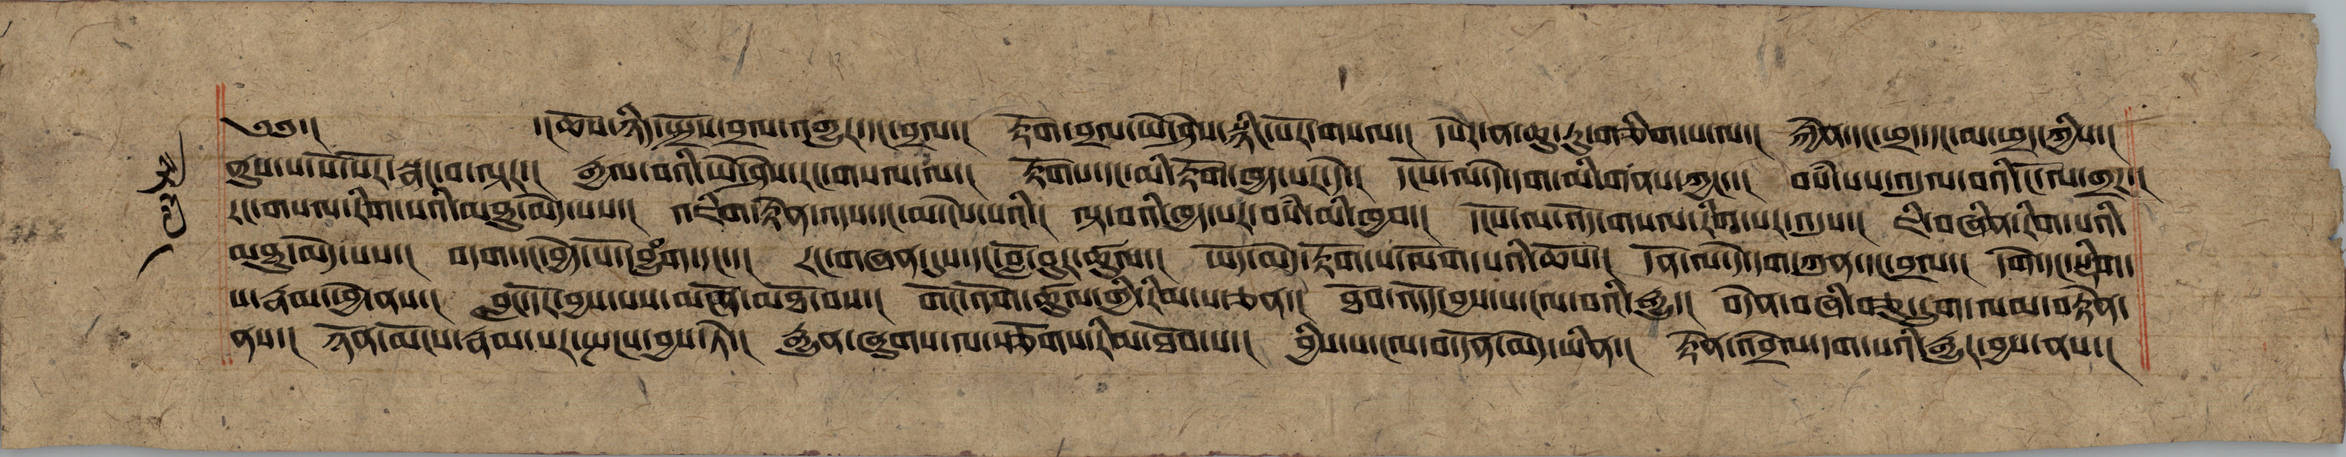༄༅་། ་།ཆོས་ཉིད་སྤྲོས་བྲལ་འགྱུར་དང་བྲལ་། རྟོག་བྲལ་ཡེ་ཤེས་སྙིང་པོར་གསལ་། དཔེར་ན་ཆུ་རུ་གཅིག་པ་ལ་། རྐྱེན་དང་ཕྲད་དང་མ་ཕྲད་ཀྱིས་།
ནུབ་པ་སོ་སོར་སྣང་བ་ལྟར་། རྒྱལ་བའི་ཡེ་ཤེས་རང་གསལ་ལ་། རྟོགས་དང་མི་རྟོག་ཁྱད་པར་དེ་། དངོས་ལ་དེ་དག་མི་གནས་ཀྱང་་། བསཾ་པས་འདུལ་བའི་ངོ་ལ་གྲཌ་།
རང་གསལ་རིག་པའི་མཐུ་མེད་པས་། འཇིག་རྟེན་འདས་དང་མ་ངེས་པའི་། ལྟ་བའི་ཁྱད་པར་བསཾ་མི་ཁྱབ་། དངོས་ལ་འོད་གསལ་རིག་པར་འདུས་། ཇི་བཞིན་རིག་པའི་
མཐུ་མེད་པས་། བདག་དང་བྱེད་པོ་དབྱུཾག་དང་་། རང་གཞན་དུས་དང་བློ་བུར་ཚུལ་། ཡོད་མེད་རྟོག་པ་ལོག་པའི་ཆོས་། དོན་ལ་དེ་དག་ཀུན་དང་བྲལ་། དགེ་དང་སྡིག་
པ་རྣམ་ཕྱེ་ནས་། བླང་དོར་བྱས་པས་མངོན་མཐོ་བས་། གོང་འོག་ཚུལ་གྱི་རིམ་པ་ཅན་། ཐོས་འདདོ་བྱས་པ་ངལ་བའི་རྒྱུ་། བདེན་བཞི་བཅུ་དྲུག་ལམ་བརྟེན་
ནས་། ཉོན་མོངས་རྣམ་པར་སྤངས་བྱས་ཏེ་། རྒྱུན་ཞུགས་ལ་སྩོགས་རིམ་ཐོབ་པ་། བྱིས་པ་ངལ་བ་དོན་མེད་ཡིན་། རྟེན་འབྲེལ་དག་པའི་རྒྱུར་བྱས་ནས་།